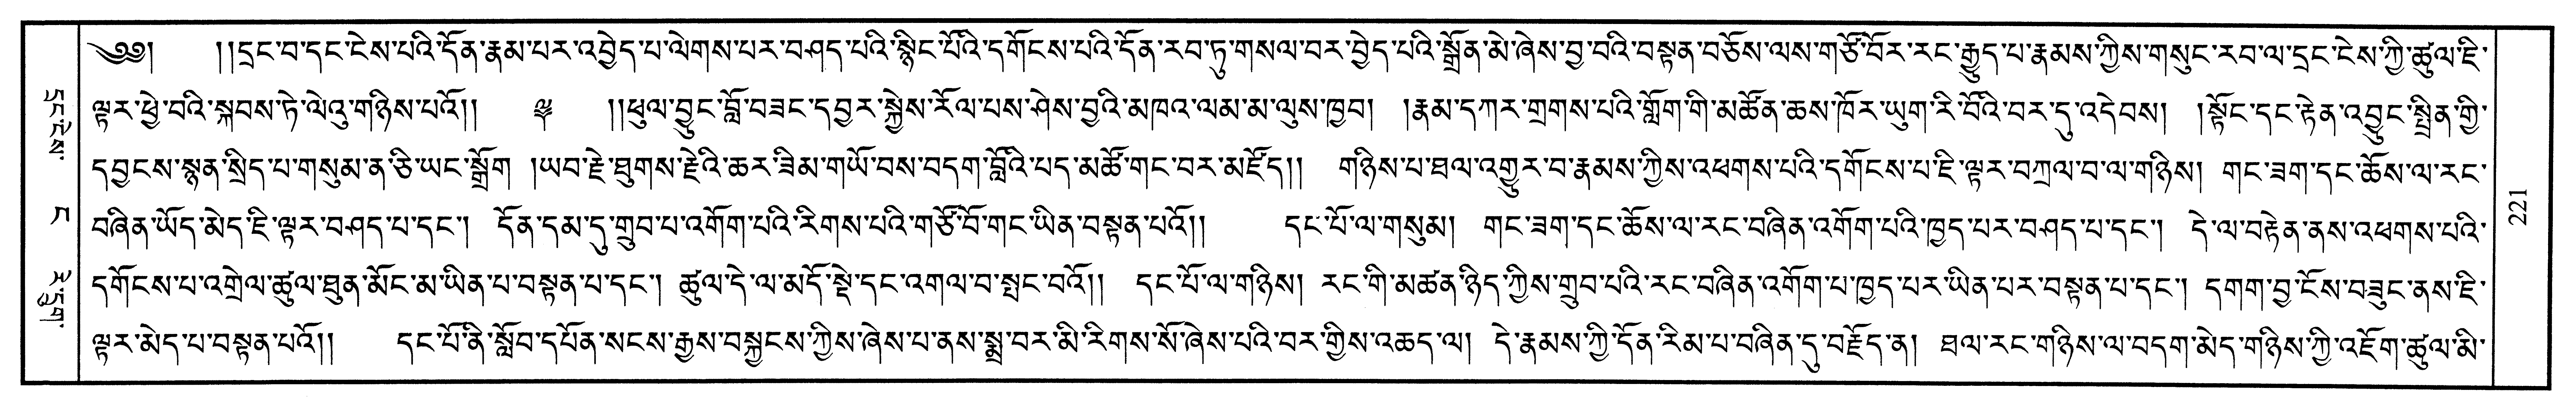༄༅། །དྲང་བ་དང་ངེས་པའི་དོན་རྣམ་པར་འབྱེད་པ་ལེགས་པར་བཤད་པའི་སྙིང་པོའི་དགོངས་པའི་དོན་རབ་ཏུ་གསལ་བར་བྱེད་པའི་སྒྲོན་མེ་ཞེས་བྱ་བའི་བསྟན་བཅོས་ལས་གཙོ་བོར་རང་རྒྱུད་པ་རྣམས་ཀྱིས་གསུང་རབ་ལ་དྲང་ངེས་ཀྱི་ཚུལ་ཇི་
ལྟར་ཕྱེ་བའི་སྐབས་ཏེ་ལེའུ་གཉིས་པའོ།། ༈ །།ཕུལ་བྱུང་བློ་བཟང་དབྱར་སྐྱེས་རོལ་པས་ཤེས་བྱའི་མཁའ་ལམ་མ་ལུས་ཁྱབ། །རྣམ་དཀར་གྲགས་པའི་གློག་གི་མཚོན་ཆས་ཁོར་ཡུག་རི་བོའི་བར་དུ་འདེབས། །སྟོང་དང་རྟེན་འབྱུང་སྤྲིན་གྱི་
དབྱངས་སྙན་སྲིད་པ་གསུམ་ན་ཅི་ཡང་སྒྲོག །ཡབ་རྗེ་ཐུགས་རྗེའི་ཆར་ཟིམ་གཡོ་བས་བདག་བློའི་པད་མཚོ་གང་བར་མཛོད།། གཉིས་པ་ཐལ་འགྱུར་བ་རྣམས་ཀྱིས་འཕགས་པའི་དགོངས་པ་ཇི་ལྟར་བཀྲལ་བ་ལ་གཉིས། གང་ཟག་དང་ཆོས་ལ་རང་
བཞིན་ཡོད་མེད་ཇི་ལྟར་བཤད་པ་དང་། དོན་དམ་དུ་གྲུབ་པ་འགོག་པའི་རིགས་པའི་གཙོ་བོ་གང་ཡིན་བསྟན་པའོ།། དང་པོ་ལ་གསུམ། གང་ཟག་དང་ཆོས་ལ་རང་བཞིན་འགོག་པའི་ཁྱད་པར་བཤད་པ་དང་། དེ་ལ་བརྟེན་ནས་འཕགས་པའི་
དགོངས་པ་འགྲེལ་ཚུལ་ཐུན་མོང་མ་ཡིན་པ་བསྟན་པ་དང་། ཚུལ་དེ་ལ་མདོ་སྡེ་དང་འགལ་བ་སྤང་བའོ།། དང་པོ་ལ་གཉིས། རང་གི་མཚན་ཉིད་ཀྱིས་གྲུབ་པའི་རང་བཞིན་འགོག་པ་ཁྱད་པར་ཡིན་པར་བསྟན་པ་དང་། དགག་བྱ་ངོས་བཟུང་ནས་ཇི་
ལྟར་མེད་པ་བསྟན་པའོ།། དང་པོ་ནི་སློབ་དཔོན་སངས་རྒྱས་བསྐྱངས་ཀྱིས་ཞེས་པ་ནས་སྨྲ་བར་མི་རིགས་སོ་ཞེས་པའི་བར་གྱིས་འཆད་ལ། དེ་རྣམས་ཀྱི་དོན་རིམ་པ་བཞིན་དུ་བརྗོད་ན། ཐལ་རང་གཉིས་ལ་བདག་མེད་གཉིས་ཀྱི་འཇོག་ཚུལ་མི་